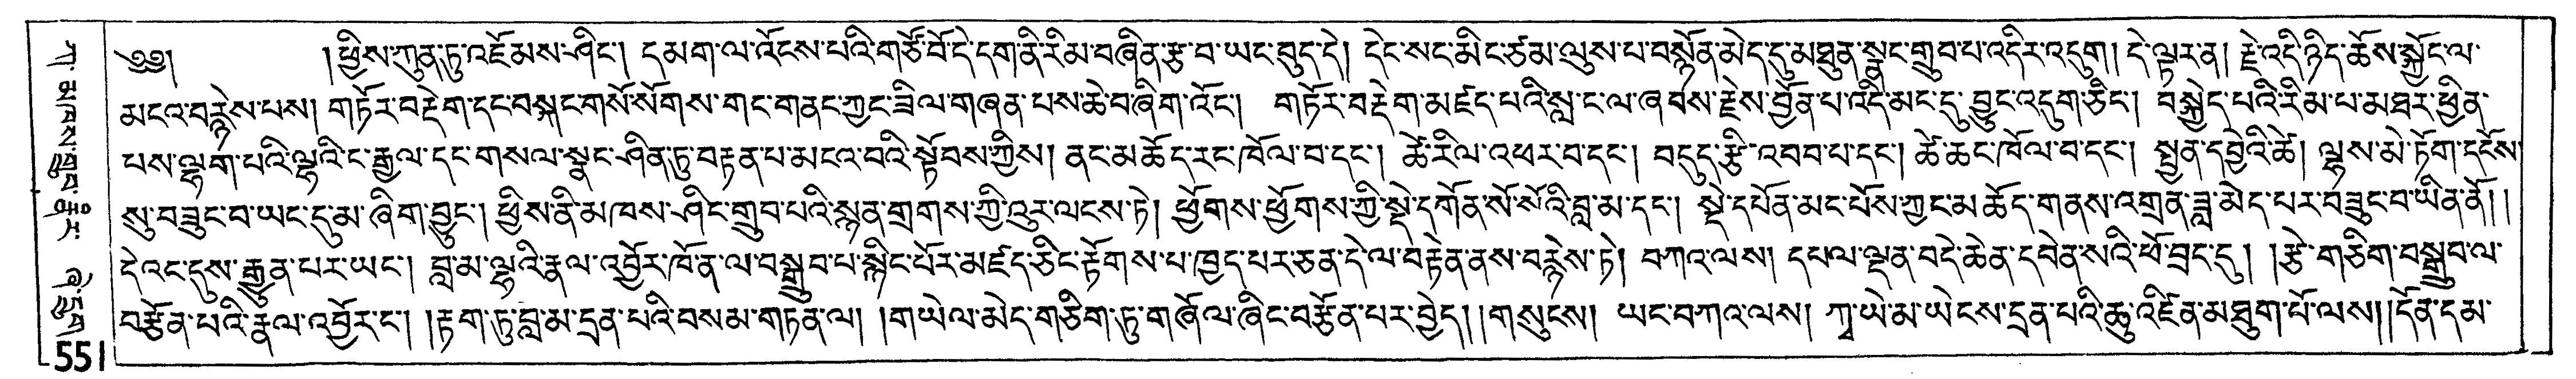༄༅། །ཕྱིས་ཀུན་ཏུ་འཇོམས་ཤིང་། དམག་ལ་འོངས་པའི་གཙོ་བོ་དེ་དག་ནི་རིམ་བཞིན་རྩ་བ་ཡང་བུད་དེ། དེང་སང་མིང་ཙམ་ལུས་པ་བསྙོན་མེད་དུ་མཐུན་སྣང་གྲུབ་པ་འདིར་འདུག །དེ་ལྟར་ན། རྗེ་འདི་ཉིད་ཆོས་སྐྱོང་ལ་
མངའ་བརྙེས་པས། གཏོར་བརྡེག་དང་བསྐང་གསོ་སོགས་གང་གནང་ཀྱང་ཟིལ་གཞན་པས་ཆེ་བ་ཞིག་འོང་། གཏོར་བརྡེག་མཛད་པའི་སླ་ང་ལ་ཞབས་རྗེས་བྱོན་པ་འདི་མང་དུ་བྱུང་འདུག་ཅིང་། བསྐྱེད་པའི་རིམ་པ་མཐར་ཕྱིན་
པས་ལྷག་པའི་ལྷའི་ང་རྒྱལ་དང་གསལ་སྣང་ཤིན་ཏུ་བརྟན་པ་མངའ་བའི་སྟོབས་ཀྱིས། ནང་མཆོད་རང་ཁོལ་བ་དང་། ཚེ་རིལ་འཕར་བ་དང་། བདུད་རྩི་འབབ་པ་དང་། ཚེ་ཆང་ཁོལ་བ་དང་། སྤྱན་དབྱེའི་ཚེ། ལྷས་མེ་ཏོག་དངོས་
སུ་བཟུང་བ་ཡང་དུ་མ་ཞིག་བྱུང་། ཕྱིས་ནི་མཁས་ཤིང་གྲུབ་པའི་སྙན་གྲགས་ཀྱི་འུར་ལངས་ཏེ། ཕྱོགས་ཕྱོགས་ཀྱི་སྡེ་དགོན་སོ་སོའི་བླ་མ་དང་། སྡེ་དཔོན་མང་པོས་ཀྱང་མཆོད་གནས་འགྲན་ཟླ་མེད་པར་བཟུང་བ་ཡིན་ནོ། །
དེའང་དུས་རྒྱུན་པར་ཡང་། བླ་མ་ལྷའི་རྣལ་འབྱོར་ཁོ་ན་ལ་བསྒྲུབ་པ་སྙིང་པོར་མཛད་ཅིང་རྟོགས་པ་ཁྱད་པར་ཅན་དེ་ལ་བརྟེན་ནས་བརྙེས་ཏེ། བཀའ་ལས། དཔལ་ལྡན་བདེ་ཆེན་དབེན་སའི་ཕོ་བྲང་དུ། །རྩེ་གཅིག་བསྒྲུབ་ལ་
བརྩོན་པའི་རྣལ་འབྱོར་ང་། །རྟག་ཏུ་བླ་མ་དྲན་པའི་བསམ་གཏན་ལ། །གཡེལ་མེད་གཅིག་ཏུ་གཞོལ་ཞིང་བརྩོན་པར་བྱེད། །གསུངས། ཡང་བཀའ་ལས། ཀྭ་ཡེ་མ་ཡེངས་དྲན་པའི་ཆུ་འཛིན་མཐུག་པོ་ལས། །དོན་དམ་